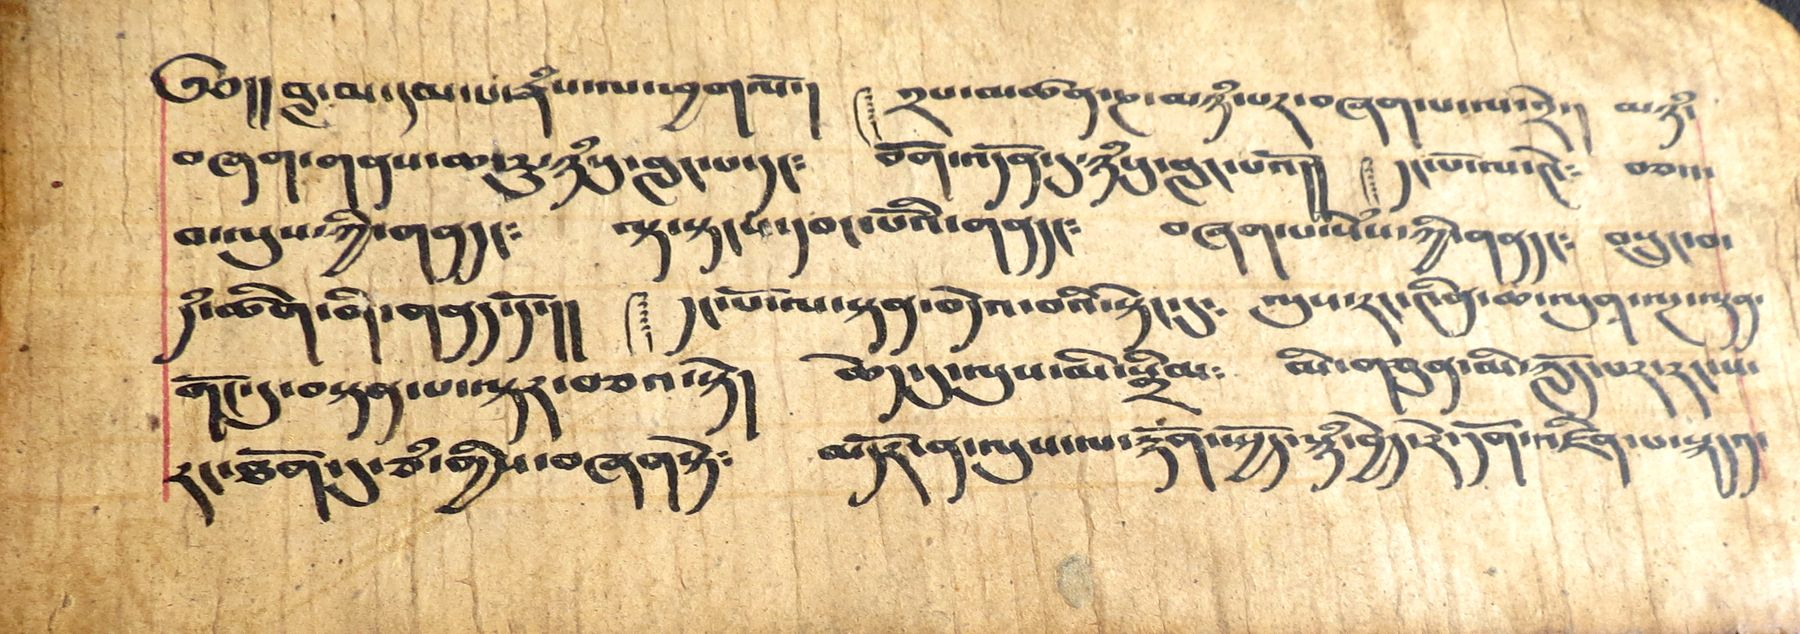བླ་མ་དམ་པ་རྣམས་ལ་ཕྱག་འཚལ་ལོ། གཉིས་པ་མཚན་མེད་ལ་གཉིས་ཏེ། མཉམ་
བཞག་གནས་ཆ་རུ་ཉམས་སུ་བླངས་པ་དང་། བོག་འདོན་དུ་ཉམས་སུ་བླངས་པའོ། དང་པོ་ལ་བཞི་སྟེ། བཅའ་
བ་ལུས་ཀྱི་གནད་དང་། ལྟ་སྟངས་དབང་པོའི་གནད་དང་། བཞག་པ་སེམས་ཀྱི་གནད། སྲུང་བ་
དམ་ཚིག་གི་གནད་དོ། དང་པོ་སྟན་བདེ་བའི་སྟེང་དུ་ལུས་རང་བཞིན་ཆ་ལུགས་ལྔ་ལྡན་
གོང་དུ་བསྟན་པ་ལྟར་བྱ་སྟེ། ཆེད་དུ་ལུས་མི་བསྒྲིམས། མི་གཅུན་མི་གློད་པར། རང་ས་
རང་ཐོག་ཏུ་ཅམ་གྱིས་བཞག་སྟེ། མདོར་ན་ལུས་ལ་རྟོག་དཔྱོད་སྙམ་བྱེད་རེ་དོགས་འཛིན་པ་སྐད་ཅིག་